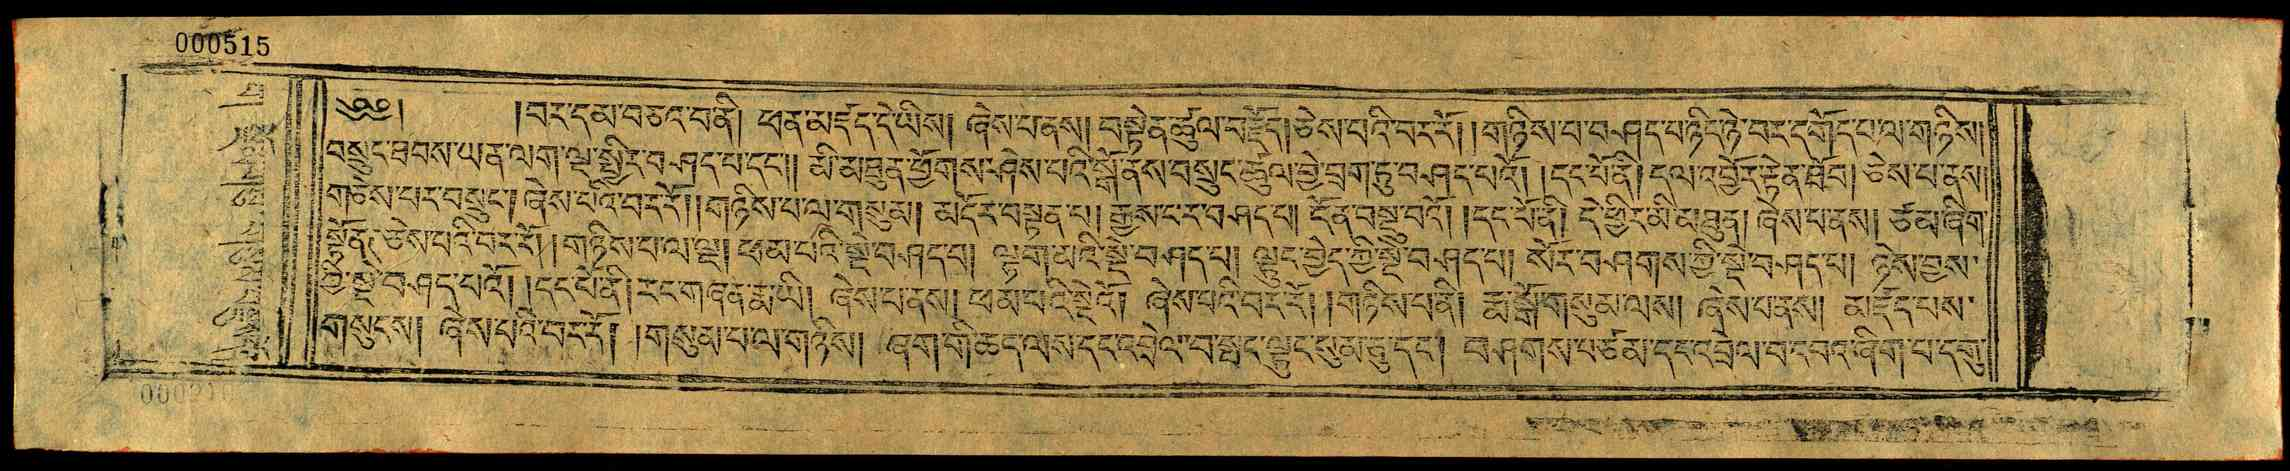༄༅། །པར་དམ་བཅའ་བ་ནི། ཕན་མཛད་དེ་ཡིས། ཞེས་པ་ནས། བསྟེན་ཚུལ་བརྗོད། ཅེས་པའི་བར་རོ། །གཉིས་པ་བཤད་པ་ཉིད་ཉེ་བར་དགོད་པ་ལ་གཉིས་
བསྲུང་ཐབས་ཡན་ལག་ལྔ་སྤྱིར་བཤད་པ་དང་། མི་མཐུན་ཕྱོགས་ཤེས་པའི་སྒོ་ནས་བསྲུང་ཚུལ་བྱེ་བྲག་ཏུ་བཤད་པའོ། །དང་པོ་ནི། དལ་འབྱོར་རྟེན་ཐོབ། ཅེས་པ་ནས་
གཅེས་པར་བསྲུང་། ཞེས་པའི་བར་རོ། །གཉིས་པ་ལ་གསུམ། མདོར་བསྟན་པ། རྒྱས་པར་བཤད་པ། དོན་བསྡུ་བའོ། །དང་པོ་ནི། དེ་ཕྱིར་མི་མཐུན། ཞེས་པ་ནས། ཙམ་ཞིག་
སྟོན། ཅེས་པའི་བར་རོ། །གཉིས་པ་ལ་ལྔ། ཕམ་པའི་སྡེ་བཤད་པ། ལྷག་མའི་སྡེ་བཤད་པ། ལྟུང་བྱེད་ཀྱི་སྡེ་བཤད་པ། སོར་བཤགས་ཀྱི་སྡེ་བཤད་པ། ཉེས་བྱས་
ཀྱི་སྡེ་བཤད་པའོ། །དང་པོ་ནི། རང་གཞན་རྨ་ཡི། ཞེས་པ་ནས། ཕམ་པའི་སྡེའོ། ཞེས་པའི་བར་རོ། །གཉིས་པ་ནི། རྨ་སྒོ་གསུམ་ལས། ཞེས་པ་ནས།
མཛད་པས་གསུངས། ཞེས་པའི་བར་རོ། །གསུམ་པ་ལ་གཉིས། ཞག་གི་ཚད་ལས་དང་འབྲེལ་བ་སྤང་ལྟུང་སུམ་ཅུ་དང་། བཤགས་པ་ཙམ་དང་འབྲེལ་བ་འབའ་ཞིག་པ་དགུ་